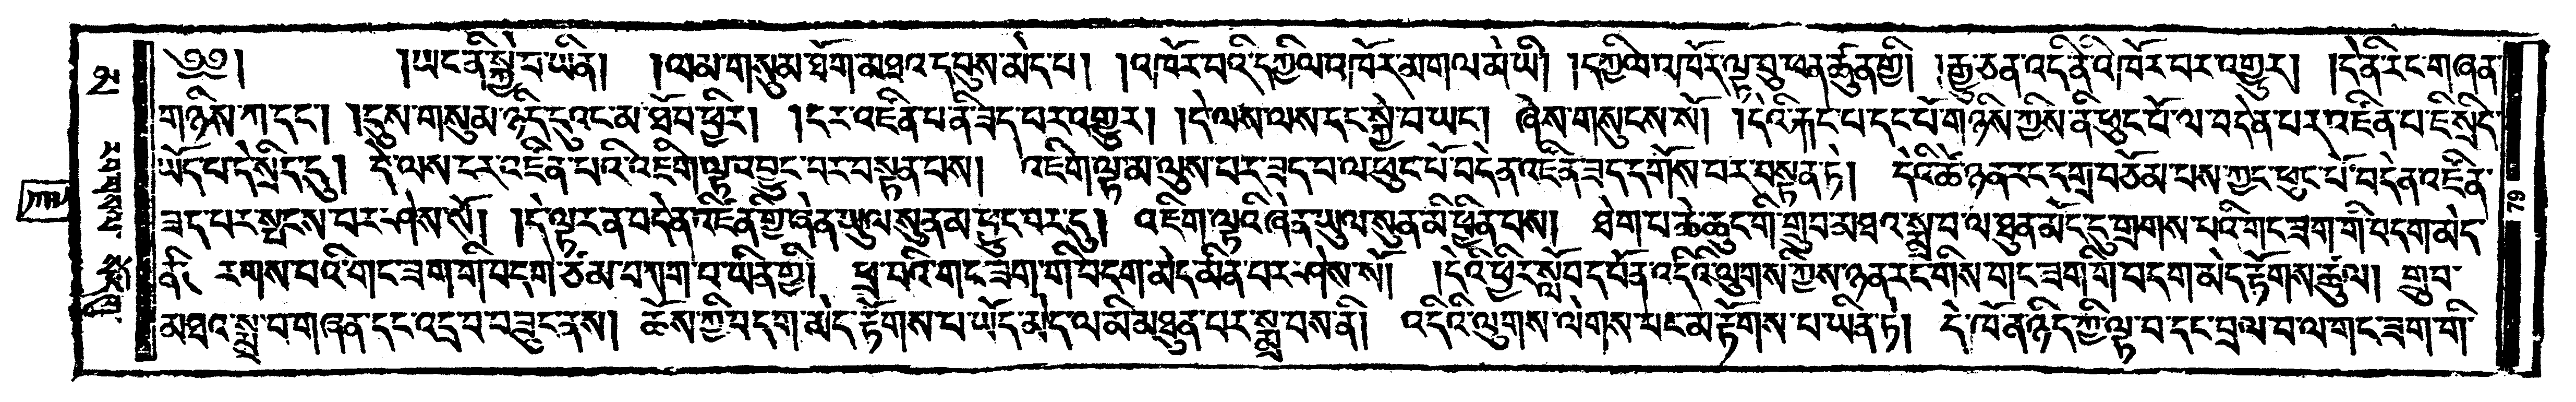༄༅། །ཡང་ནི་སྐྱེ་བ་ཡིན། །ལམ་གསུམ་ཐོག་མཐའ་དབུས་མེད་པ། འཁོར་བའི་དཀྱིལ་འཁོར་མགལ་མེ་ཡི། །དཀྱིལ་འཁོར་ལྟ་བུ་ཕན་ཚུན་གྱི། །རྒྱུ་ཅན་འདི་ནི་འཁོར་བར་འགྱུར། །དེ་ནི་རང་གཞན་
གཉིས་ཀ་དང་། །དུས་གསུམ་ཉིད་དུའང་མ་ཐོབ་ཕྱིར། །ངར་འཛིན་པ་ནི་ཟད་པར་འགྱུར། །དེ་ལས་ལས་དང་སྐྱེ་བ་ཡང་། ཞེས་གསུངས་སོ། །དེའི་རྐང་པ་དང་པོ་གཉིས་ཀྱིས་ནི་ཕུང་པོ་ལ་བདེན་པར་འཛིན་པ་ཇི་སྲིད་
ཡོད་པ་དེ་སྲིད་དུ། དེ་ལས་ངར་འཛིན་པའི་འཇིག་ལྟ་འབྱུང་བར་བསྟན་པས། འཇིག་ལྟ་མ་ལུས་པར་ཟད་པ་ལ་ཕུང་པོ་བདེན་འཛིན་ཟད་དགོས་པར་བསྟན་ཏེ། དེའི་ཚེ་ཉན་རང་དགྲ་བཅོམ་པས་ཀྱང་ཕུང་པོ་བདེན་འཛིན་
ཟད་པར་སྤངས་པར་ཤེས་སོ། །དེ་ལྟར་ན་བདེན་འཛིན་གྱི་ཞེན་ཡུལ་སུན་མ་ཕྱུང་བར་དུ། འཇིག་ལྟའི་ཞེན་ཡུལ་སུན་མི་ཕྱིན་པས། ཐེག་པ་ཆེ་ཆུང་གི་གྲུབ་མཐའ་སྨྲ་བ་ལ་ཐུན་མོང་དུ་གྲགས་པའི་གང་ཟག་གི་བདག་མེད་
ནི༑ རགས་པའི་གང་ཟག་གི་བདག་ཙམ་བཀག་པ་ཡིན་གྱི། ཕྲ་བའི་གང་ཟག་གི་བདག་མེད་མིན་པར་ཤེས་སོ། །དེའི་ཕྱིར་སློབ་དཔོན་འདིའི་ལུགས་ཀྱིས་ཉན་རང་གིས་གང་ཟག་གི་བདག་མེད་རྟོགས་ཚུལ། གྲུབ་
མཐའ་སྨྲ་བ་གཞན་དང་འདྲ་བ་བཟུང་ནས། ཆོས་ཀྱི་བདག་མེད་རྟོགས་པ་ཡོད་མེད་ལ་མི་མཐུན་པར་སྨྲ་བས་ནི། འདིའི་ལུགས་ལེགས་པར་མ་རྟོགས་པ་ཡིན་ཏེ། དེ་ཁོ་ན་ཉིད་ཀྱི་ལྟ་བ་དང་བྲལ་བ་ལ་གང་ཟག་གི་